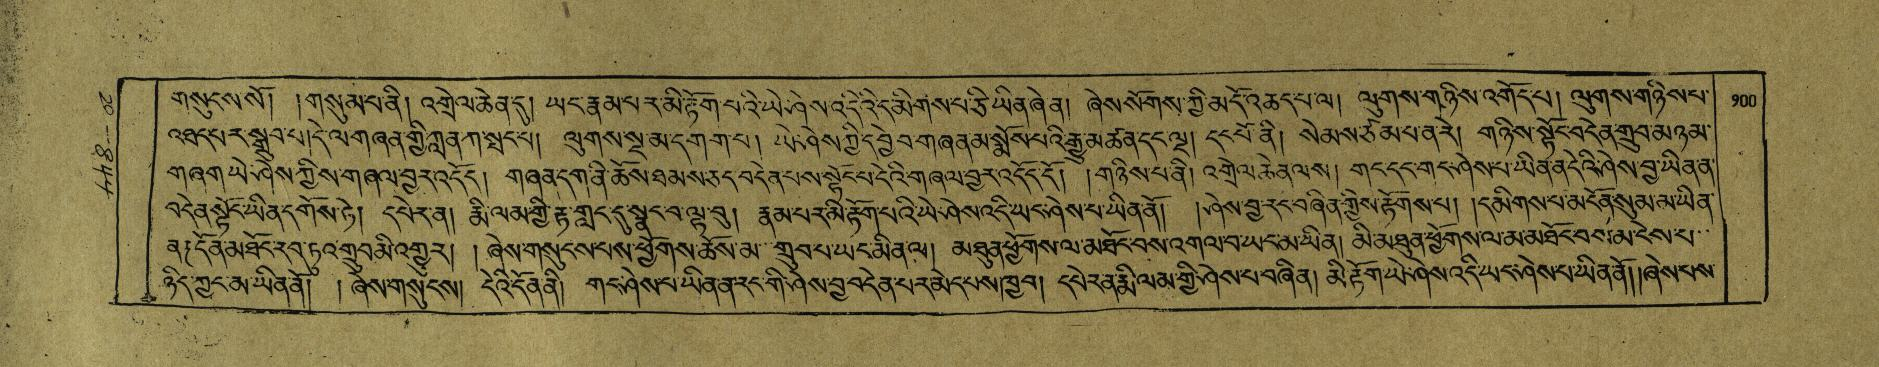གསུངས་སོ། །གསུམ་པ་ནི། འགྲེལ་ཆེན་དུ། ཡང་རྣམ་པར་མི་རྟོག་པའི་ཡེ་ཤེས་འདིའི་དམིགས་པ་ཅི་ཡིན་ཞེ་ན། ཞེས་སོགས་ཀྱི་མདོ་འཆད་པ་ལ། ལུགས་གཉིས་འགོད་པ། ལུགས་གཉིས་པ་
འཐད་པར་སྒྲུབ་པ་།དེ་ལ་གཞན་གྱི་ཀླན་ཀ་སྤང་པ། ལུགས་སྔ་མ་དགག་པ། ཡེ་ཤེས་ཀྱི་དབྱེ་བ་གཞན་མ་སྨོས་པའི་རྒྱུ་མཚན་དང་ལྔ། དང་པོ་ནི། སེམས་ཙམ་པ་ན་རེ། གཉིས་སྟོང་བདེན་གྲུབ་མཉམ་
གཞག་ཡེ་ཤེས་ཀྱིས་གཞལ་བྱར་འདོད། གཞན་དག་ནི་ཆོས་ཐམས་ཅད་བདེན་པས་སྟོང་པ་དེའི་གཞལ་བྱར་འདོད་དོ། །གཉིས་པ་ནི། འགྲེལ་ཆེན་ལས། གང་དག་གང་ཤེས་པ་ཡིན་ན་དེའི་ཤེས་བྱ་ཡིན་ན་
བདེན་སྟོང་ཡིན་དགོས་ཏེ། དཔེར་ན། རྨི་ལམ་གྱི་རྟ་གླང་དུ་སྣང་བ་ལྟ་བུ། རྣམ་པར་མི་རྟོག་པའི་ཡེ་ཤེས་འདི་ཡང་ཤེས་པ་ཡིན་ནོ། །ཤེས་བྱ་རང་བཞིན་གྱིས་རྟོགས་པ། །དམིགས་པ་མངོན་སུམ་མ་ཡིན་
ན༑ དོན་མཐོང་རབ་ཏུ་འགྲུབ་མི་འགྱུར། །ཞེས་གསུངས་པས་ཕྱོགས་ཆོས་མ་གྲུབ་པ་ཡང་མིན་ལ། མཐུན་ཕྱོགས་ལ་མཐོང་བས་འགལ་བ་ཡང་མ་ཡིན། མི་མཐུན་ཕྱོགས་ལ་མ་མཐོང་བས་མ་ངེས་པ་
ཉིད་ཀྱང་མ་ཡིན་ནོ། །ཞེས་གསུངས། དེའི་དོན་ནི། གང་ཤེས་པ་ཡིན་ན་རང་གི་ཤེས་བྱ་བདེན་པར་མེད་པས་ཁྱབ། དཔེར་ན་རྨི་ལམ་གྱི་ཤེས་པ་བཞིན། མི་རྟོག་ཡེ་ཤེས་འདི་ཡང་ཤེས་པ་ཡིན་ནོ། །ཞེས་པས་